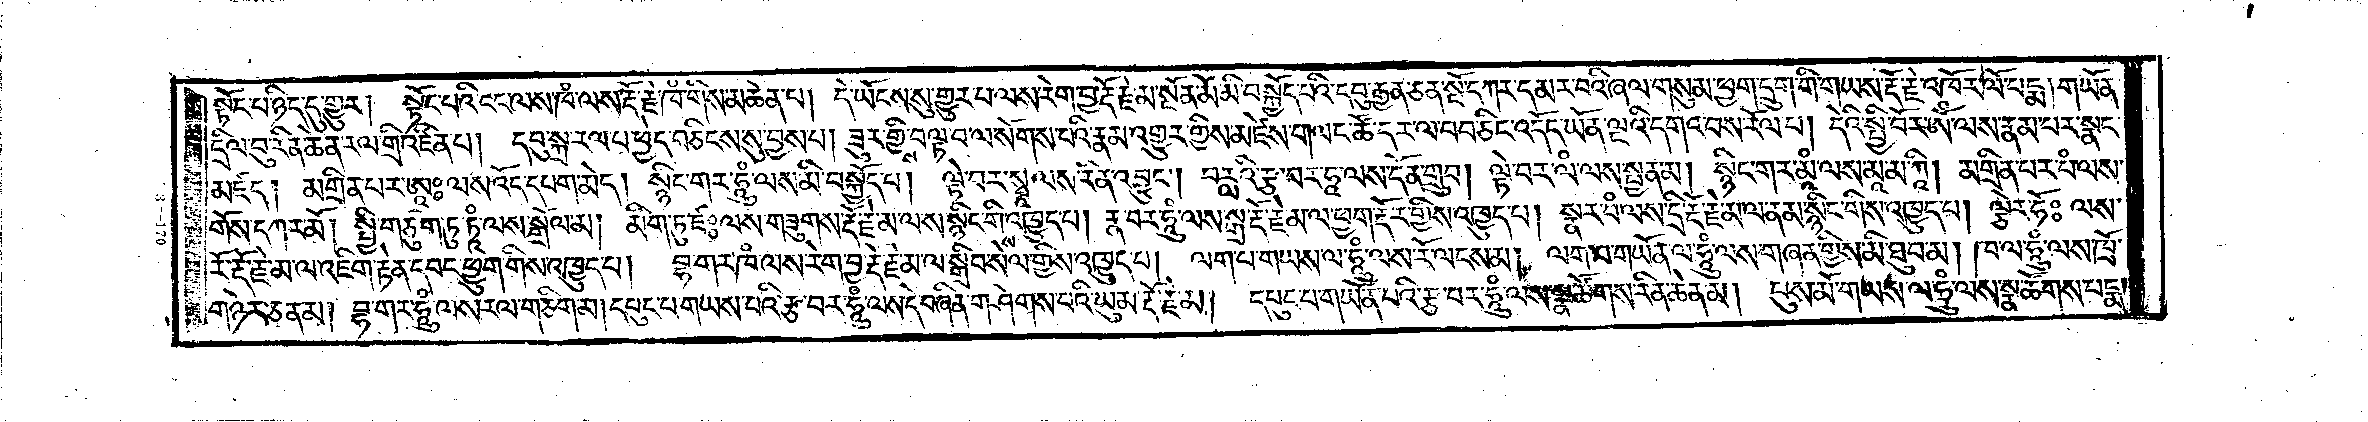སྟོང་པ་ཉིད་དུ་གྱུར། སྟོང་པའི་དང་ལས་ཁཾ་ལས་རྡོ་རྗེ་ཁཾ་གིས་མཆེན་པ། དེ་ཡོངས་སུ་གྱུར་པ་ལས་རེག་བྱ་རྡོ་རྗེ་མ་སྔོན་མོ་མི་བསྐྱོད་པའི་དབུ་རྒྱན་ཅན་སྤོང་དཀར་དམར་བའི་ཞལ་གསུམ་ཕྱག་དྲུག་གི་གཡས་རྡོ་རྗེ་འཁོར་ལོ་པདམ། གཡོན་
དྲིལ་བུ་རིན་ཆེན་རལ་གྲི་འཛིན་པ། དབུ་སྐྲ་རལ་བ་ཕྱེད་བཅིངས་སུ་བྱས་པ། ཟུར་གྱིས་བལྟ་བ་ལ་སོགས་པའི་རྣམ་འགྱུར་གྱིས་མཛེས་ག་ལང་ཚེ་དར་ལ་བབ་ཅིང་འདོད་ཡོན་ལྔའི་དགའ་བས་རོལ་པ། དེའི་སྤྱི་བོར་ཨོཾ་ལས་རྣམ་པར་སྣང་
མཛད། མགྲིན་པར་ཨཱཿལས་འོད་དཔག་མེད། སྙིང་གར་ཧཱུཾ་ལས་མི་བསྐྱོད་པ། ལྟེ་བར་སྭཱ་ལས་རིན་འབྱུང་། བརླའི་རྩ་བར་ཧཱ་ལས་དོན་གྲུབ། ལྟེ་བར་ལཾ་ལས་སྤྱན་མ། སྙིང་གར་མཱཾ་ལས་མཱ་མ་ཀཱི། མགྲིན་པར་པཾ་ལས་
གོས་དཀར་མོ། སྤྱི་གཙུག་ཏུ་ཏཱཾ་ལས་སྒྲོལ་མ། མིག་ཏུ་ཛཿལས་གཟུགས་རྡོ་རྗེ་མ་ལས་ཉིང་གི་འཁྱུད་པ། རྣ་བར་ཧཱུཾ་ལས་སྒྲ་རྡོ་རྗེ་མ་ལ་ཕྱག་རྡོར་གྱིས་འཁྱུད་པ། སྣར་བཾ་ལས་དྲི་རྡོ་རྗེ་མ་ལ་ནམ་སྙིང་གིས་འཁྱུད་པ། ལྕེར་ཧོཿ ལས་
རོ་རྡོ་རྗེ་མ་ལ་འཇིག་རྟེན་དབང་ཕྱུག་གིས་འཁྱུད་པ། བྷ་གར་ཁཾ་ལས་རེག་བྱ་རྡོ་རྗེ་མ་ལ་སྒྲིབ་སེལ་གྱིས་འཁྱུད་པ། ལག་པ་གཡས་ལ་ཧཱུཾ་ལས་རོ་ལངས་མ། ལག་བ་གཡོན་ལ་ཧཱུཾ་ལས་གཞན་གྱིས་མི་ཐུབ་མ། ཁ་ལ་ཧཱུཾ་ལས་ཁྲོ་
གཉེར་ཅན་མ། བྷ་གར་ཧཱུཾ་ལས་རལ་གཅིག་མ། དཔུང་པ་གཡས་པའི་རྩ་བར་ཧཱུཾ་ལས་དེ་བཞིན་གཤེགས་པའི་ཡུམ་རྡོ་རྗེ་མ། དཔུང་པ་གཡོན་པའི་ཙ་བར་ཧཱུཾ་ལས་སྣ་ཚོགས་རིན་ཆེན་མ། པུས་མོ་གཡས་ལ་ཧཱུཾ་ལས་སྣ་ཚོགས་པདམ་